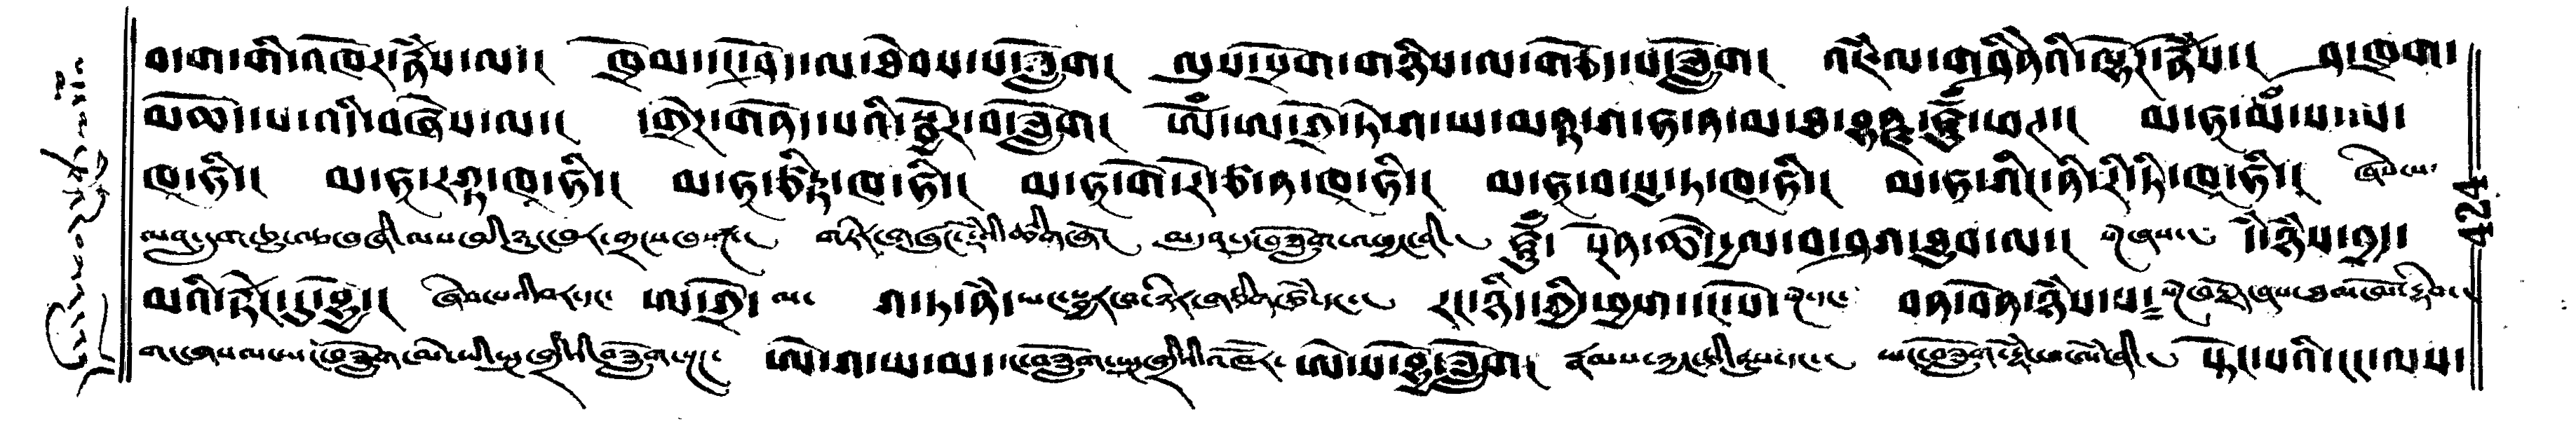བདག་གི་འཁོར་རྣམས་ལ། ཁྲོམ་དང་ཤོད་ལ་ཐེབས་པ་ཟློགས། །ལུས་སྲོག་གཉིས་ལ་གཅོད་པ་ཟློགས། །འཇམ་དཔལ་གཤིན་རྗེའི་ལྷ་ཚོགས་རྣམས། །ཤ་ཁྲག་
མཆོད་པ་འདི་བཞེས་ལ། །དགྲ་བགེགས་གནོད་པའི་སྦྱོར་བ་ཟློགས། །ཨོཾ་ཨ་ཀྲོ་ཏེ་ཀ་ཡ་མནྟ་ཀ་ཧ་ན་མ་ཐ་བྷནྫ་ཧཱུྃ་ཕཊཿ མ་ཧཱ་མཾ་ས་ལ་
ཁཱ་ཧིཿ མ་ཧཱ་རཀྟ་ཁཱ་ཧིཿ མ་ཧཱ་ཙིཏྟ་ཁ་ཧིཿ མ་ཧཱ་གོ་རོ་ཙ་ན་ཁཱ་ཧིཿ མ་ཧཱ་བ་སུ་ཏ་ཁཱ་ཧིཿ མ་ཧཱ་ཀིང་ནི་རི་ཏི་ཁཱ་ཧིཿ ཞེས་པ་
ལན་དྲུག་ཅུ་རྩ་བཞི་ལས་མི་ཉུང་བར་གྲངས་གསག གཏེར་གཞུང་རྡོ་རྗེའི་ཚིག་གོ ། མདུན་དུ་ཟློག་འཕྱང་ནི། ཧཱུྃ། སྔོན་ཚེ་རྒྱལ་བ་ཤཱཀ་ཐུབ་ལ། ། སོགས་ནས་དམ་ཉམས་བྱད་
མའི་སྟེང་དུ་བྷྱོ། ། ཞེས་པའི་བར་དང་། ཨ་ཀྲོ་ལ་ཀ་ཏ་ནམ་ཡང་སྦྱར་བ་ཉེར་གཅིག་ཙམ་དང་། རང་ཉིད་ཀྱི་ཕྱག་དང་པོ་སོགས་དང་བན་བོན་ཉམས་པ༴ སོགས་བརྗོད་ནས་ཐལ་མོ་རྡེབ། 
གོང་གསལ་ཡང་ཟློག་མེ་ཡི་སྤུ་གྲིའི་ཟློག་སྔགས། ཨེ་ཀ་ཡ་མ་དང་ཟློག་པ་སྤུ་གྲིའི་འཁོར་ལོ་ཨེ་ས་བྷྱོ་ཟློག རྣམས་ཀྱང་ཅི་ནུས་དང་། ཡང་ཟློག་རྡོ་རྗེ་ཕ་ལམ་ནི། སྟོང་པའི་ངང་ལས་